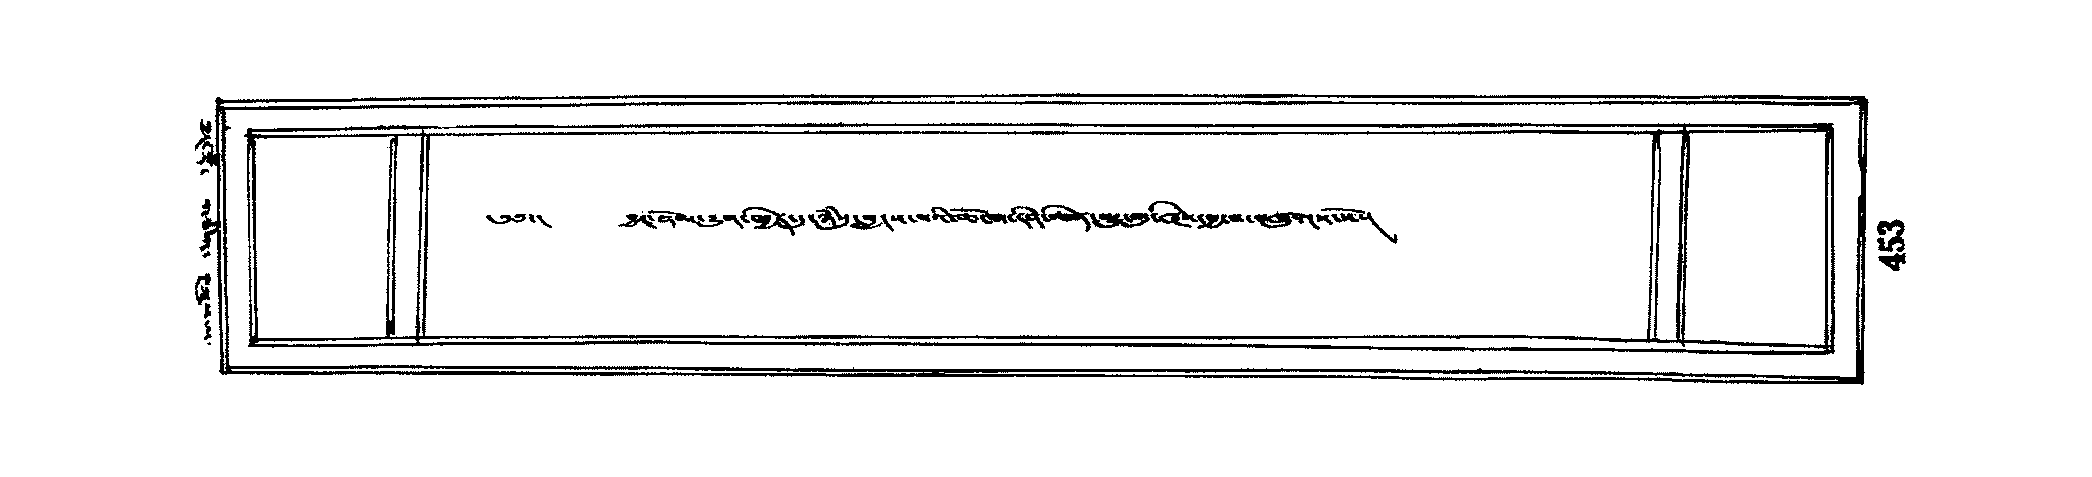བྱང་སྡོམ་རྒྱུན་ཁྱེར་དུ་ཉམས་སུ་བླངས་པའི་ཆོ་ག་རིན་ཆེན་མྱུ་གུ་ཞེས་བྱ་བ་བཞུགས་སོ།